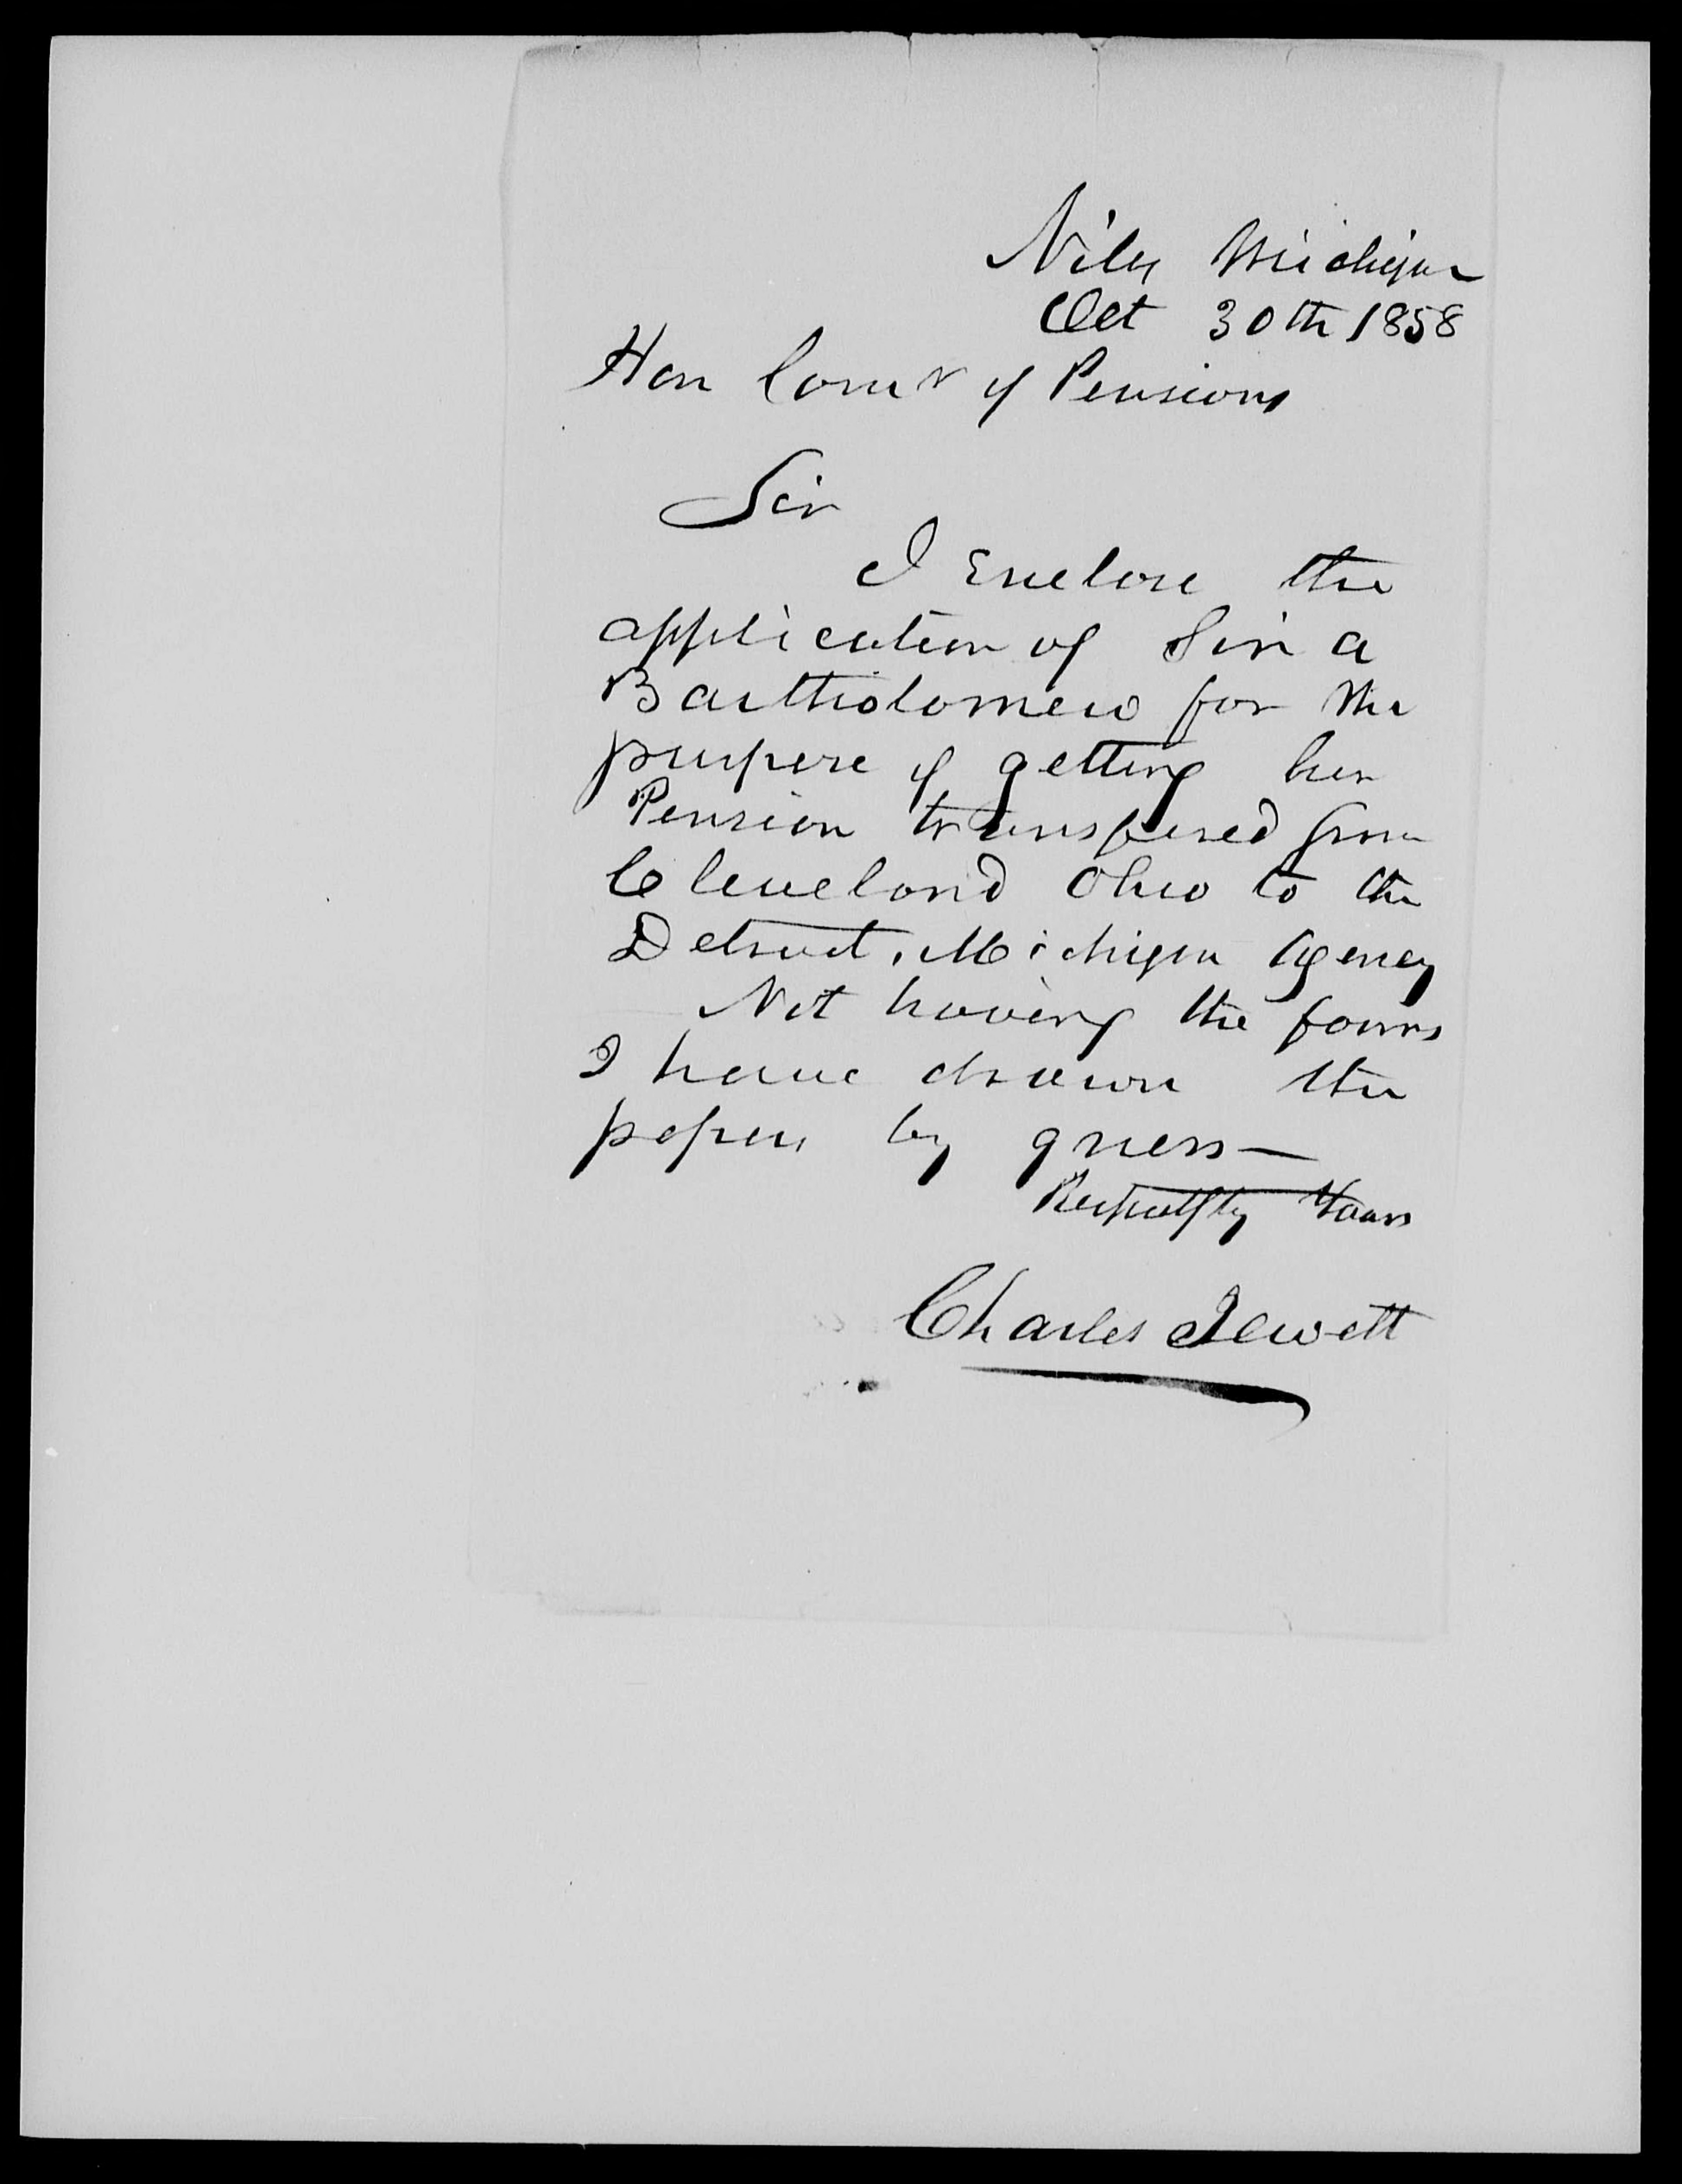Nily Michigan
Oct 30th 1858
Hon Comr of Pensions
Sir
I enclose the
application of Lina
Bartholomew for the
purpose of getting her
Pension transfered from
Cleveland Ohio to the
Detroit, Michigan Agency
Not having the forms
have drawn the
papers by guess-
Respectfly Yours
Charles Jewett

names: Sina Bartholomew, Charles Jewett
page: 43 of 76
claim: widow's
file: W. 9345, Joseph Bartholomew, Conn.